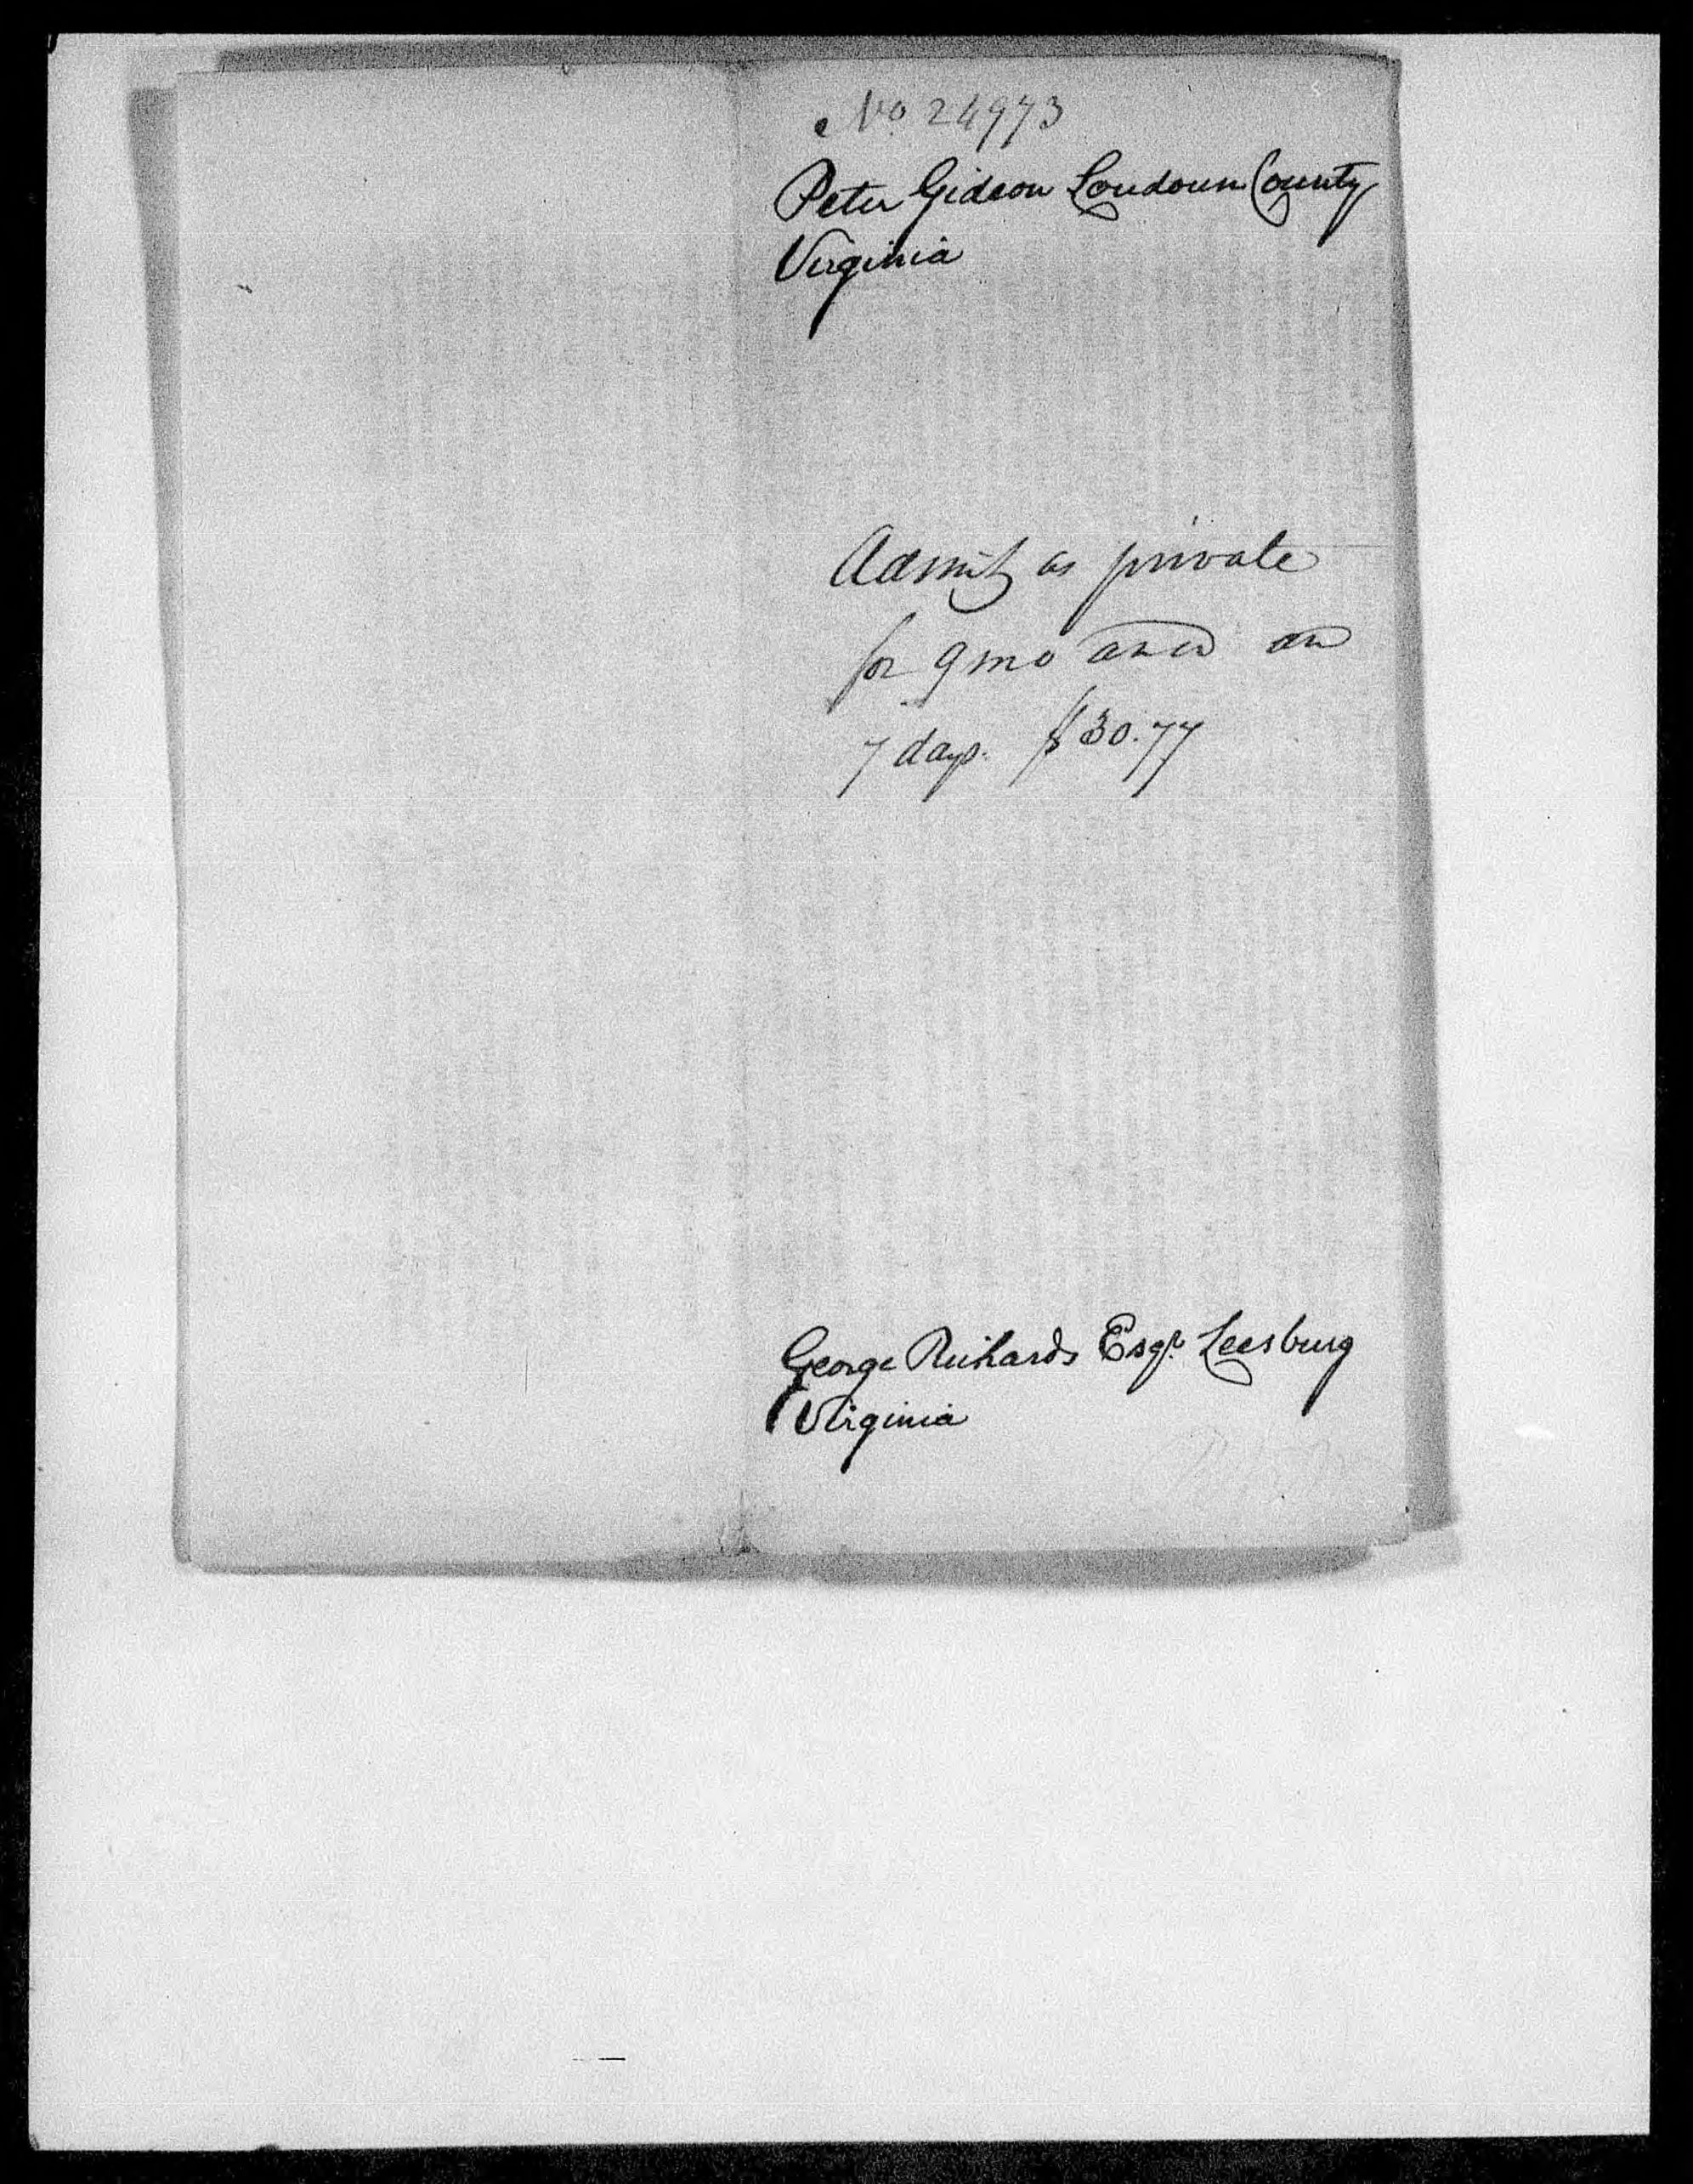No 24973
Peter Gideon Loudoun County
Virginia

Admit as private
for 9 months and
7 days $30.77

George Richards Esqr Leesburg
Virginia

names: George Richards, Peter Gideon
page: 9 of 64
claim: survivor's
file: S. 6887, Peter Gideon, Md.